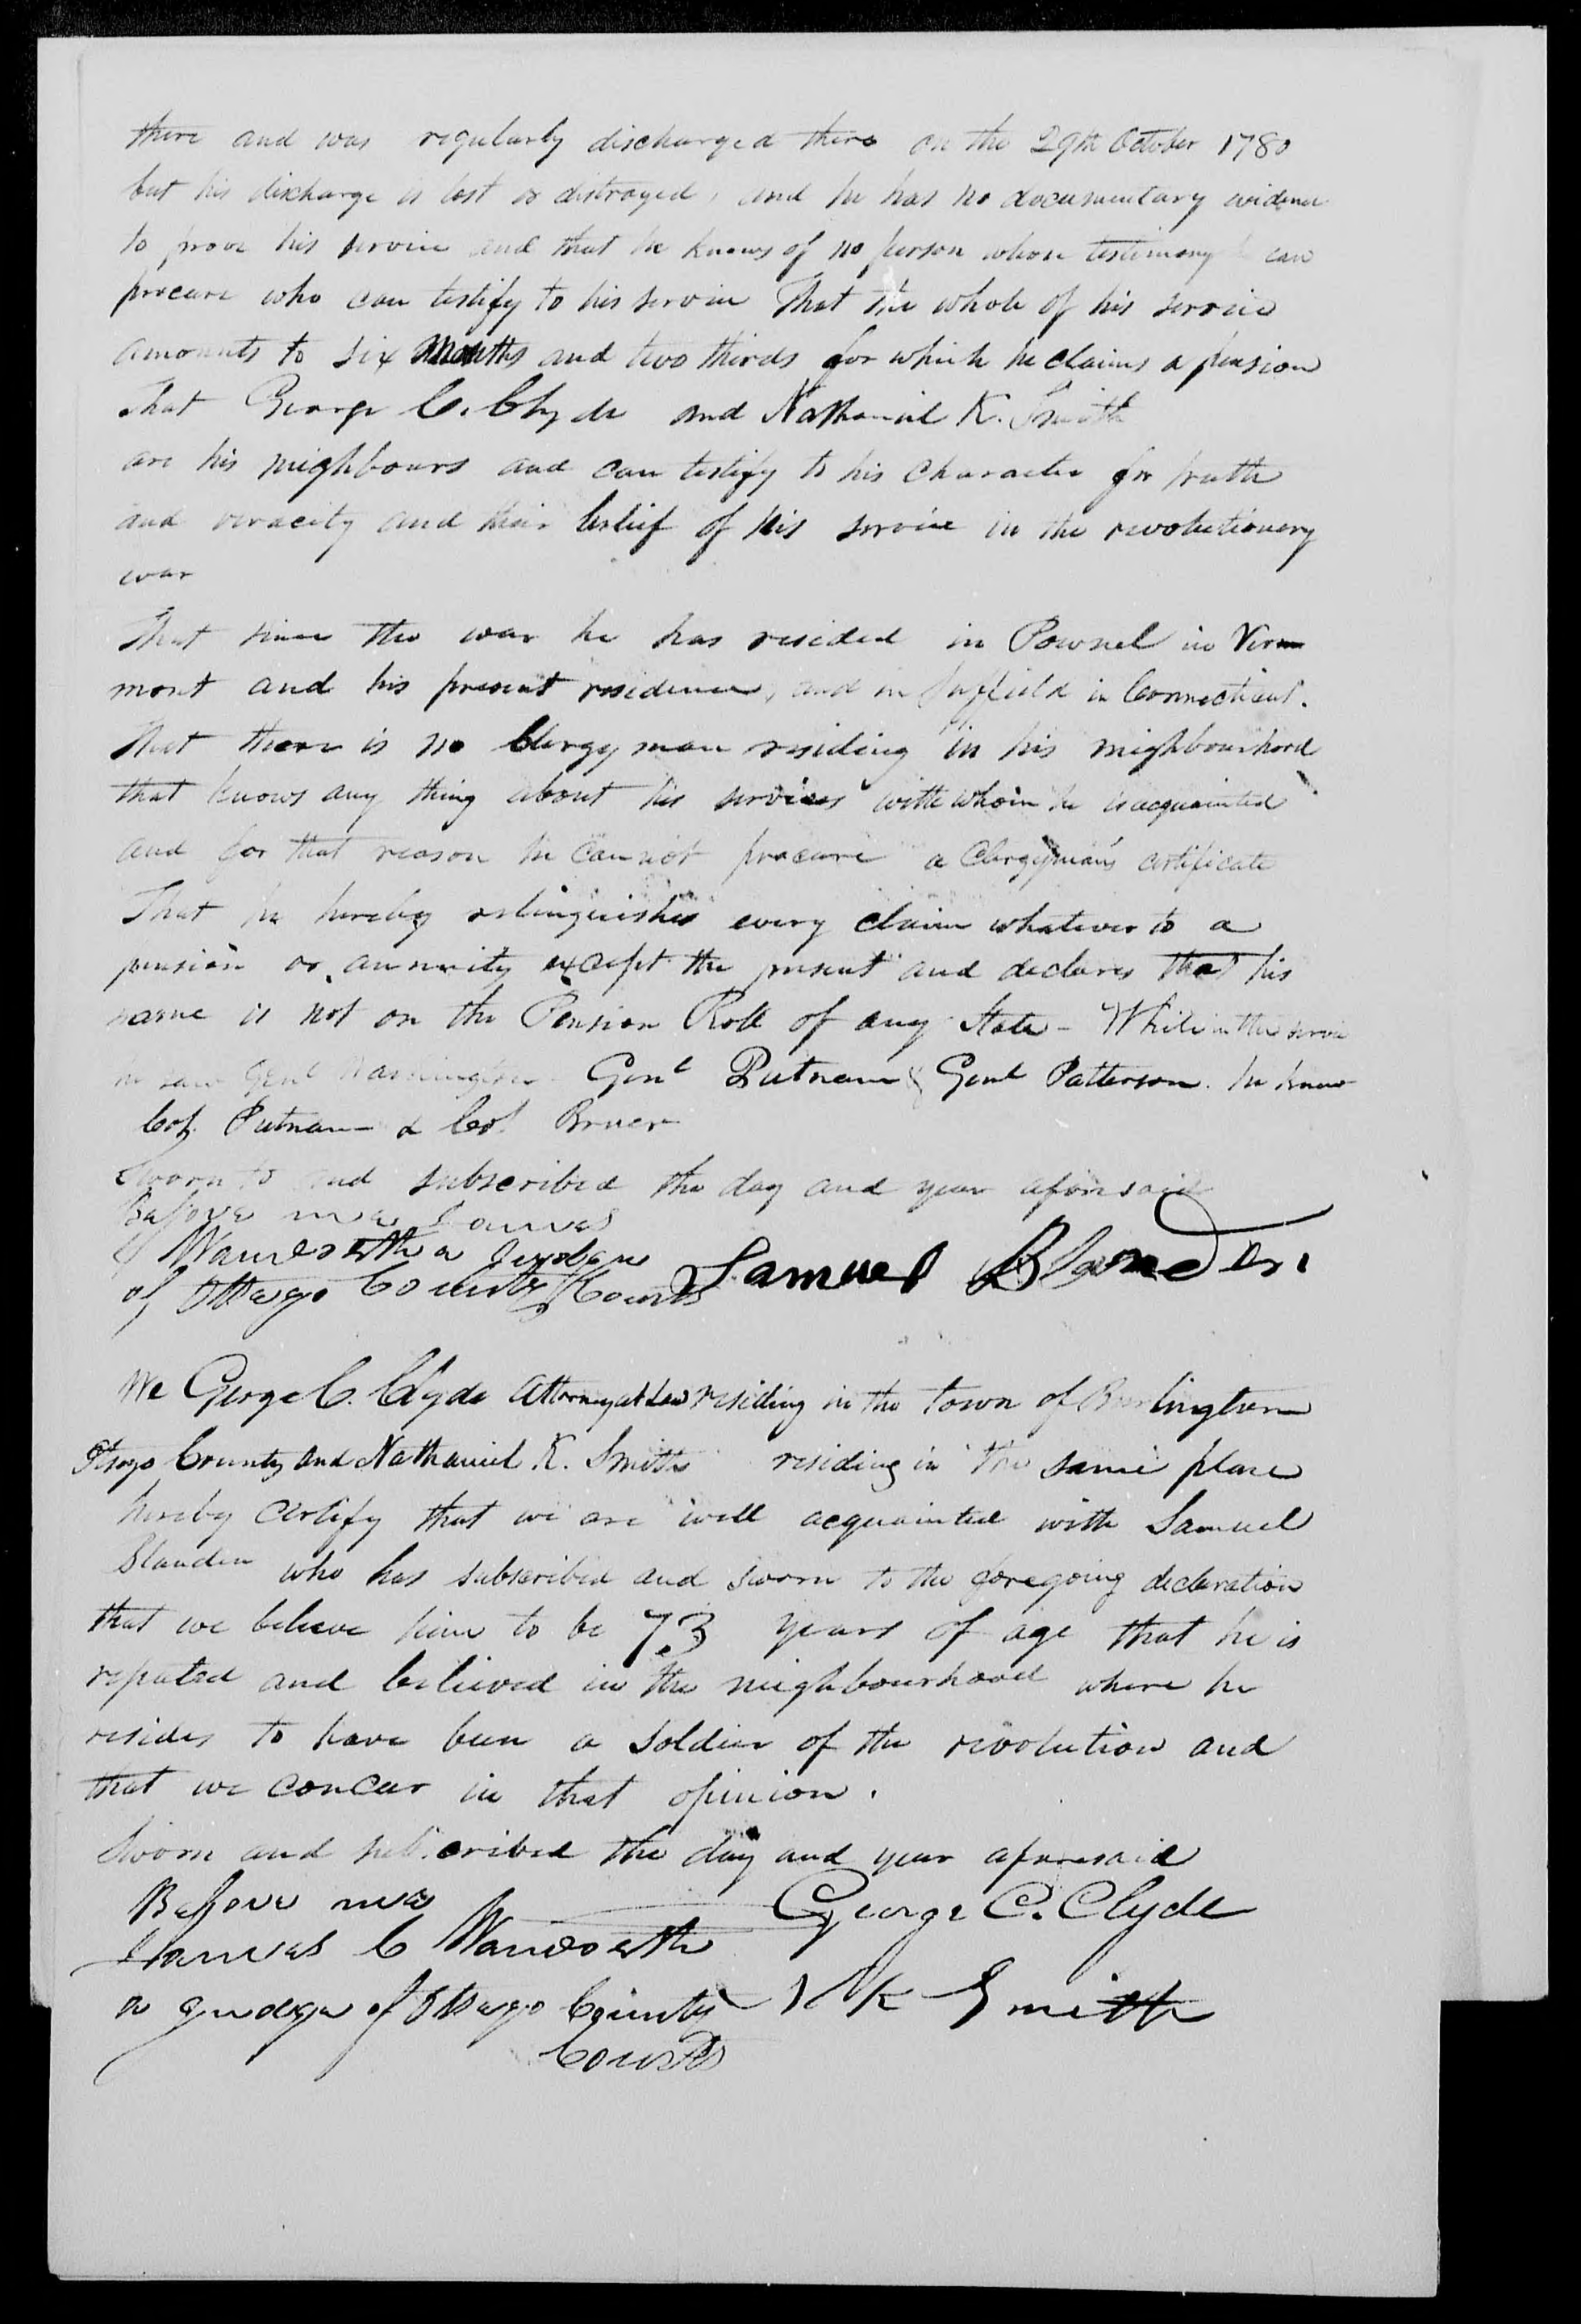there and was regularly discharged there on the 29th October 1780 but his discharge is lost or destroyed, and he has no documentary evidence to prove his service and that he knows of no person whose testimony can procure who can testify to his service. That the whole of his service amounts to six months and two thirds for which he claims a pension. That George C. Clyde and Nathaniel K. Smith are his neighbors and can testify to his character for truth and veracity and their belief of his service in the revolutionary war.
That since the war he has resided in Pownel in Vermont and his present residence and in Suffield in Connecticut. That there is no Clergyman residing in his neighborhood that knows any thing about his services with whom he is acquainted and for that reason he cannot procure a clergyman's certificate. That he hereby relinquishes every claim whatever to a pension or annuity except the present and declares that his name is not on the Pension Roll of any State. While in the service in said Genl Washington, Genl Putnam & Genl Patterson, he knows Col. Putnam & Col. Bruer.
Samuel Blanden
Sworn to and subscribed the say and year aforesaid Before Me James Wadsworth a Judge of Otsego County Courts

We George C. Clyde attorney at law residing in the town of Burlington, Mass, [unk] and Nathaniel K. Smith residing in the same place hereby certify that we are well acquainted with Samuel Blanden who has subscribed and sworn to the foregoing declaration that we believe him to be 73 years of age, that he is reputed and believed in the neighborhood where he resides to have been a soldier of the revolution and that we concur in that opinion.
George C. Clyde
N K Smith
Sworn and subscribed the day and year aforesaid before me.
James C Wadsworth a Judge of Otsego County Courts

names: George C Clyde, Putnam, Bruer, Samuel Blanden, George C Clyde, Nathaniel K Smith, Nathaniel K Smith, George C Clyde, Patterson, Samuel Blanden, N K Smith, Putnam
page: 5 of 14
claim: survivor's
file: S. 10389, Samuel Blanden, Conn. Mass